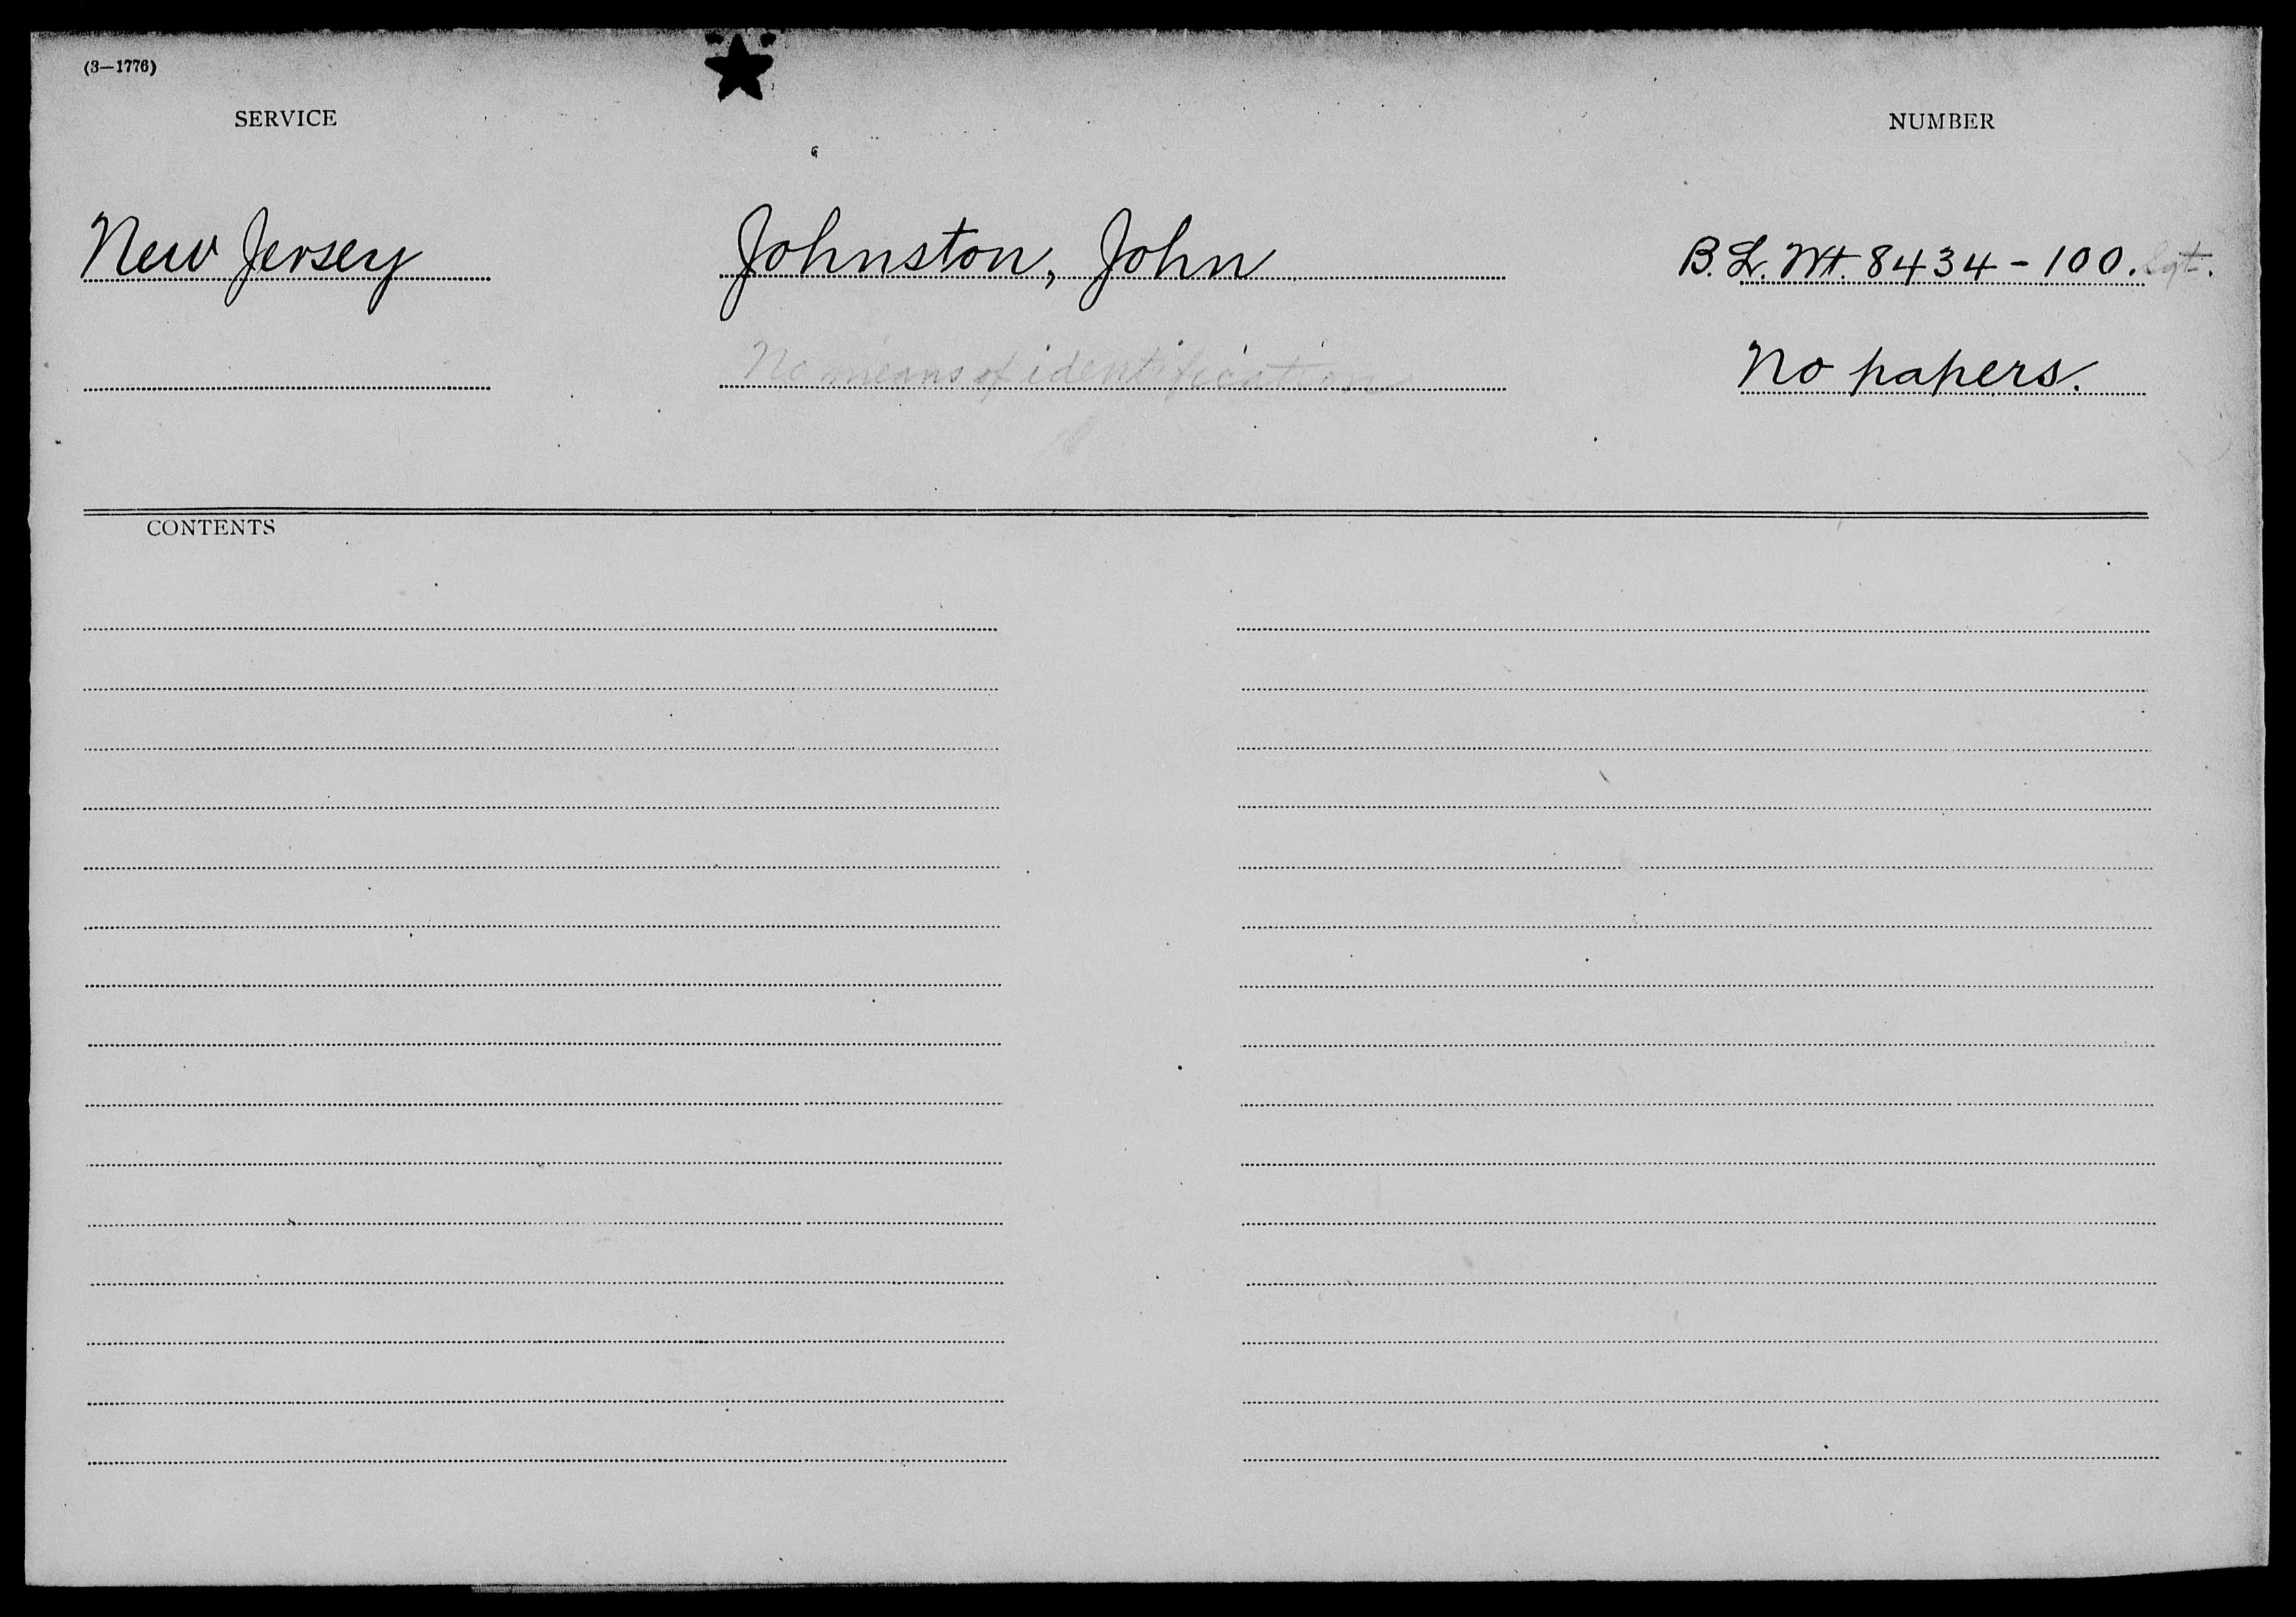Service
New Jersey

Johnston, John
No means of identification

Number
B.L.Wt.8434-100.Sgt.

No papers.

Contents

[Blank]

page: 1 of 2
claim: bounty land warrant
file: B. L. Wt. 8434-100, for John Johnston, New Jersey